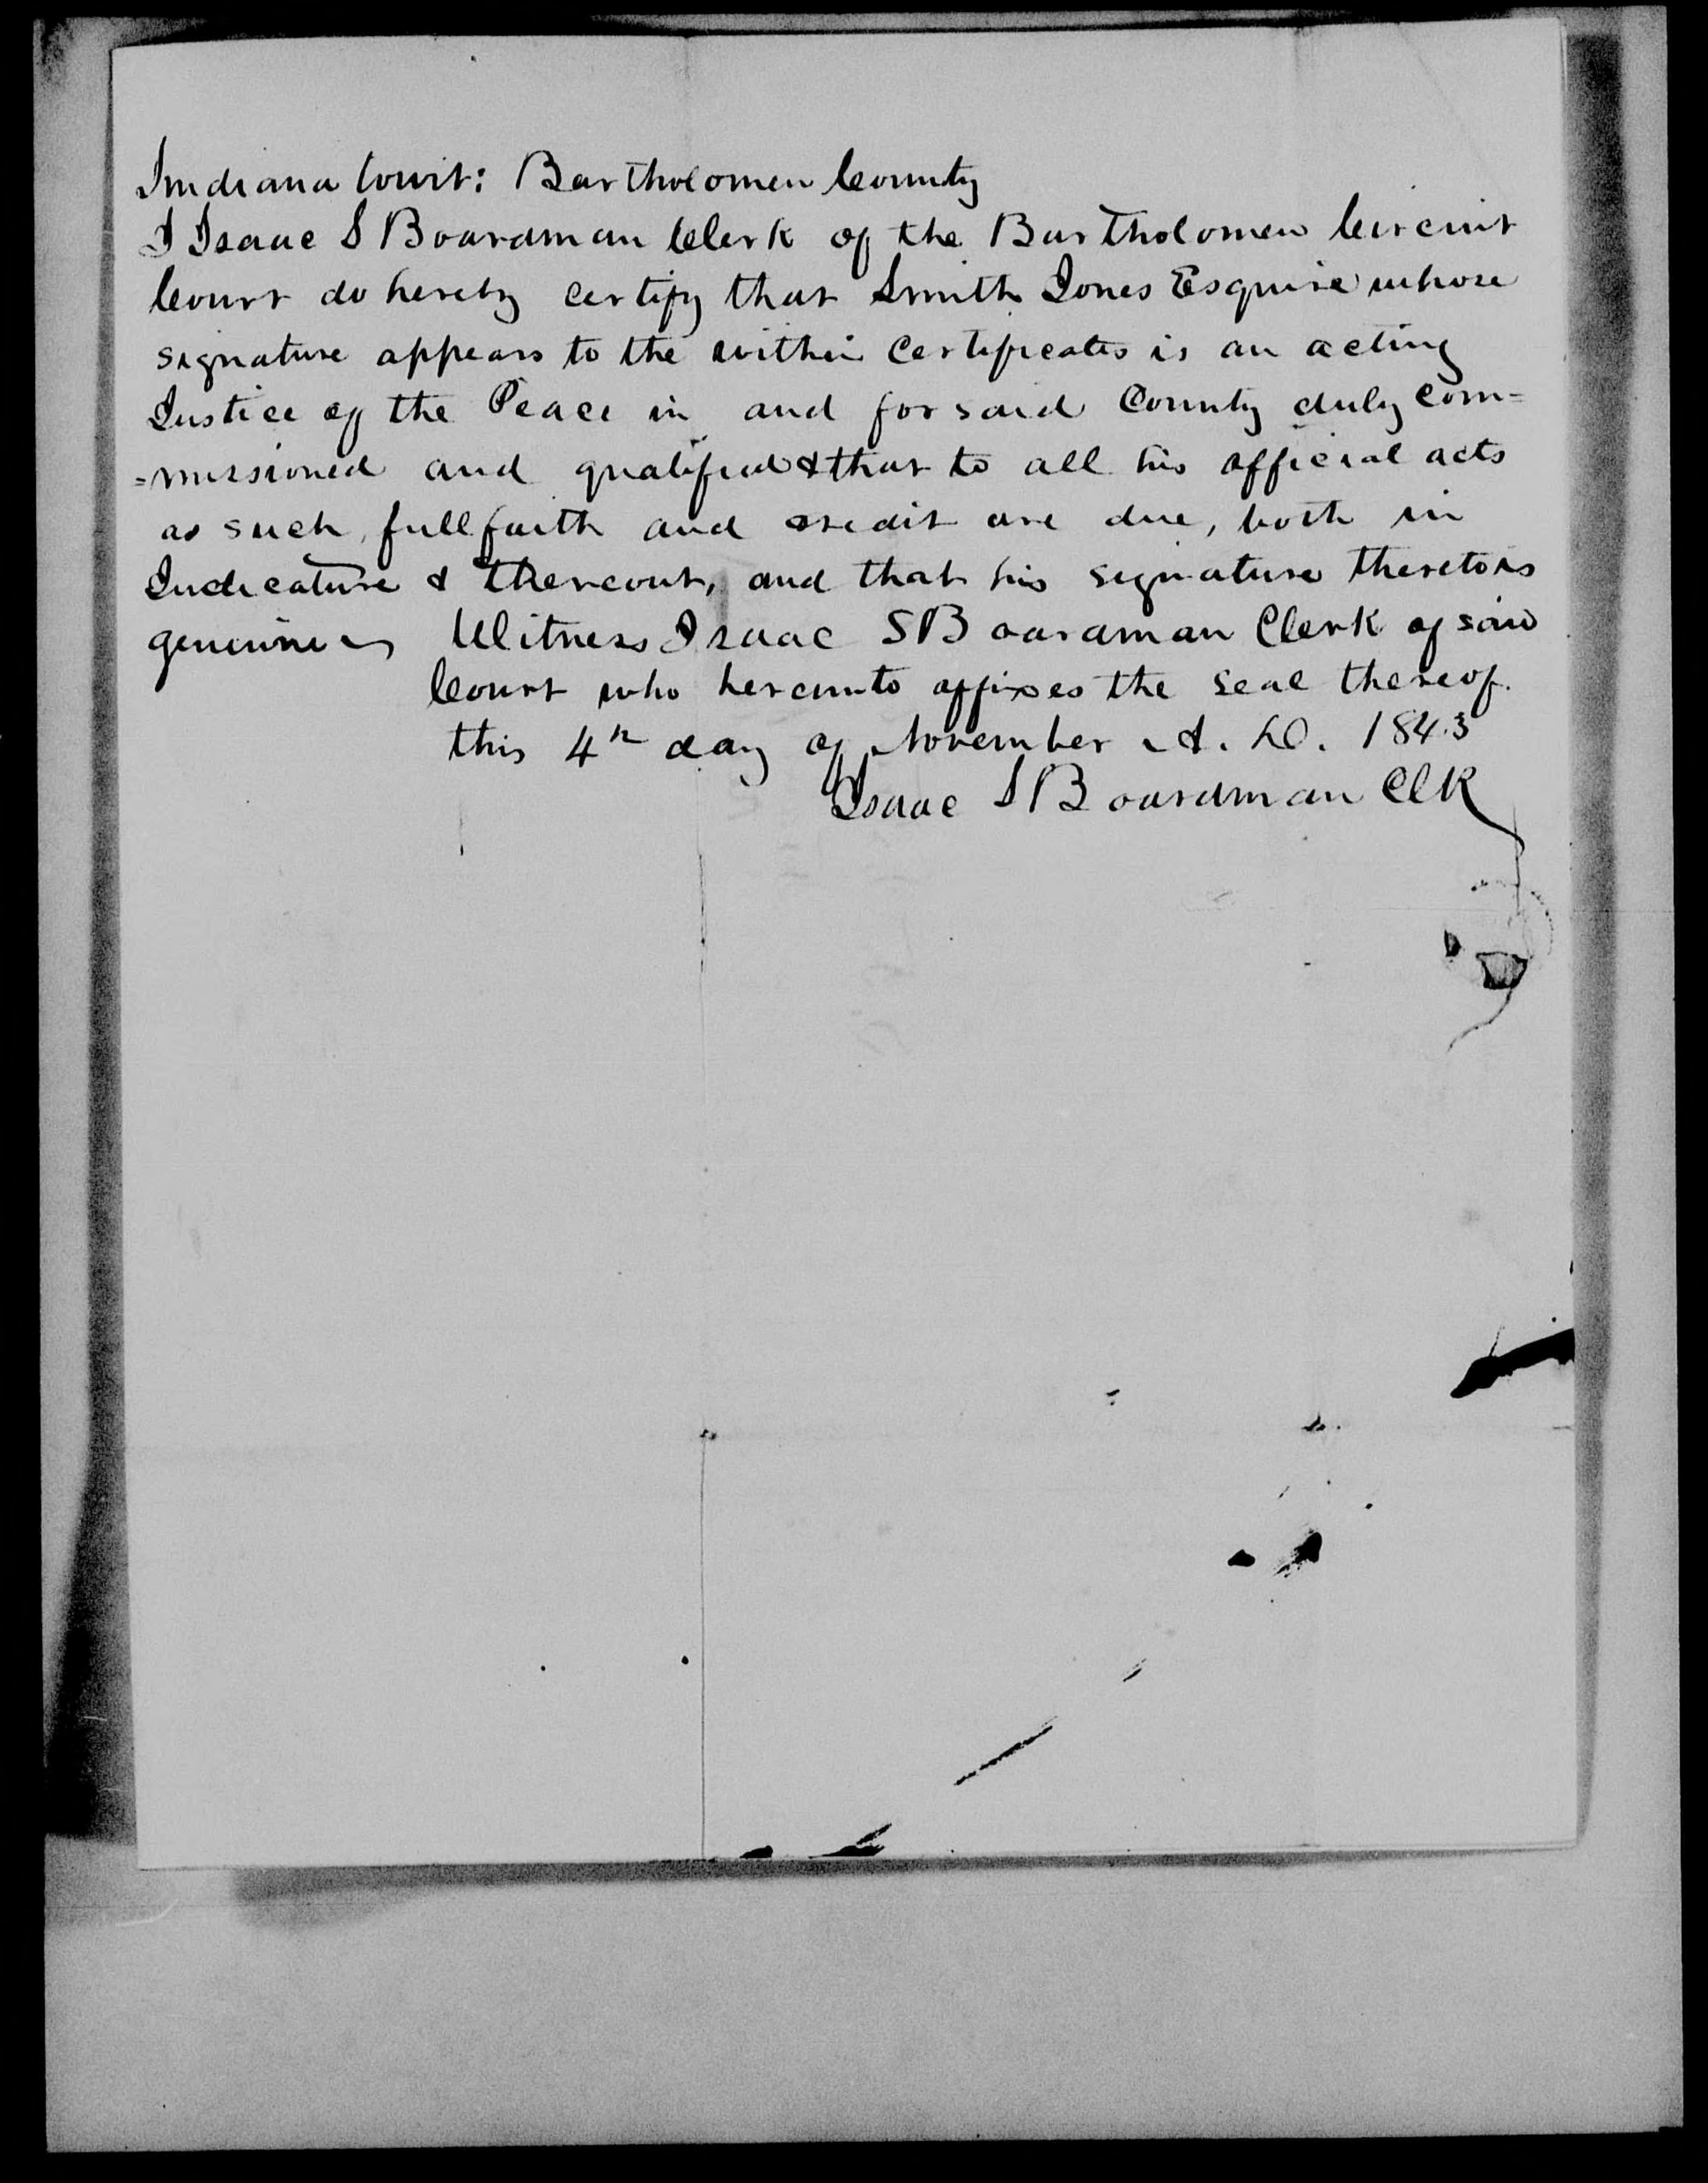Indiana Towit: Bartholomew County

I Isaac S Boardman clerk of the Bartholomew Circuit Court do hereby certify that Smith Jones Esquire whose signature appears to the within Certificates is an acting Justice of the Peace in and for said County duly Commissioned and qualified & that to all his official acts as such full faith and credit are due both in Indicature & thereout and that his signature thereto is genuine ~ Witness Isaac S Boardman Clerk of said Court who hereunto affixes the seal thereof this 4th day of November AD 1843.

[signed] Isaac S Boardman - Clerk

[illegible Court Seal affixed]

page: 69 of 78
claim: widow's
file: W. 25,169, for Daniel Sullivan, Maryland